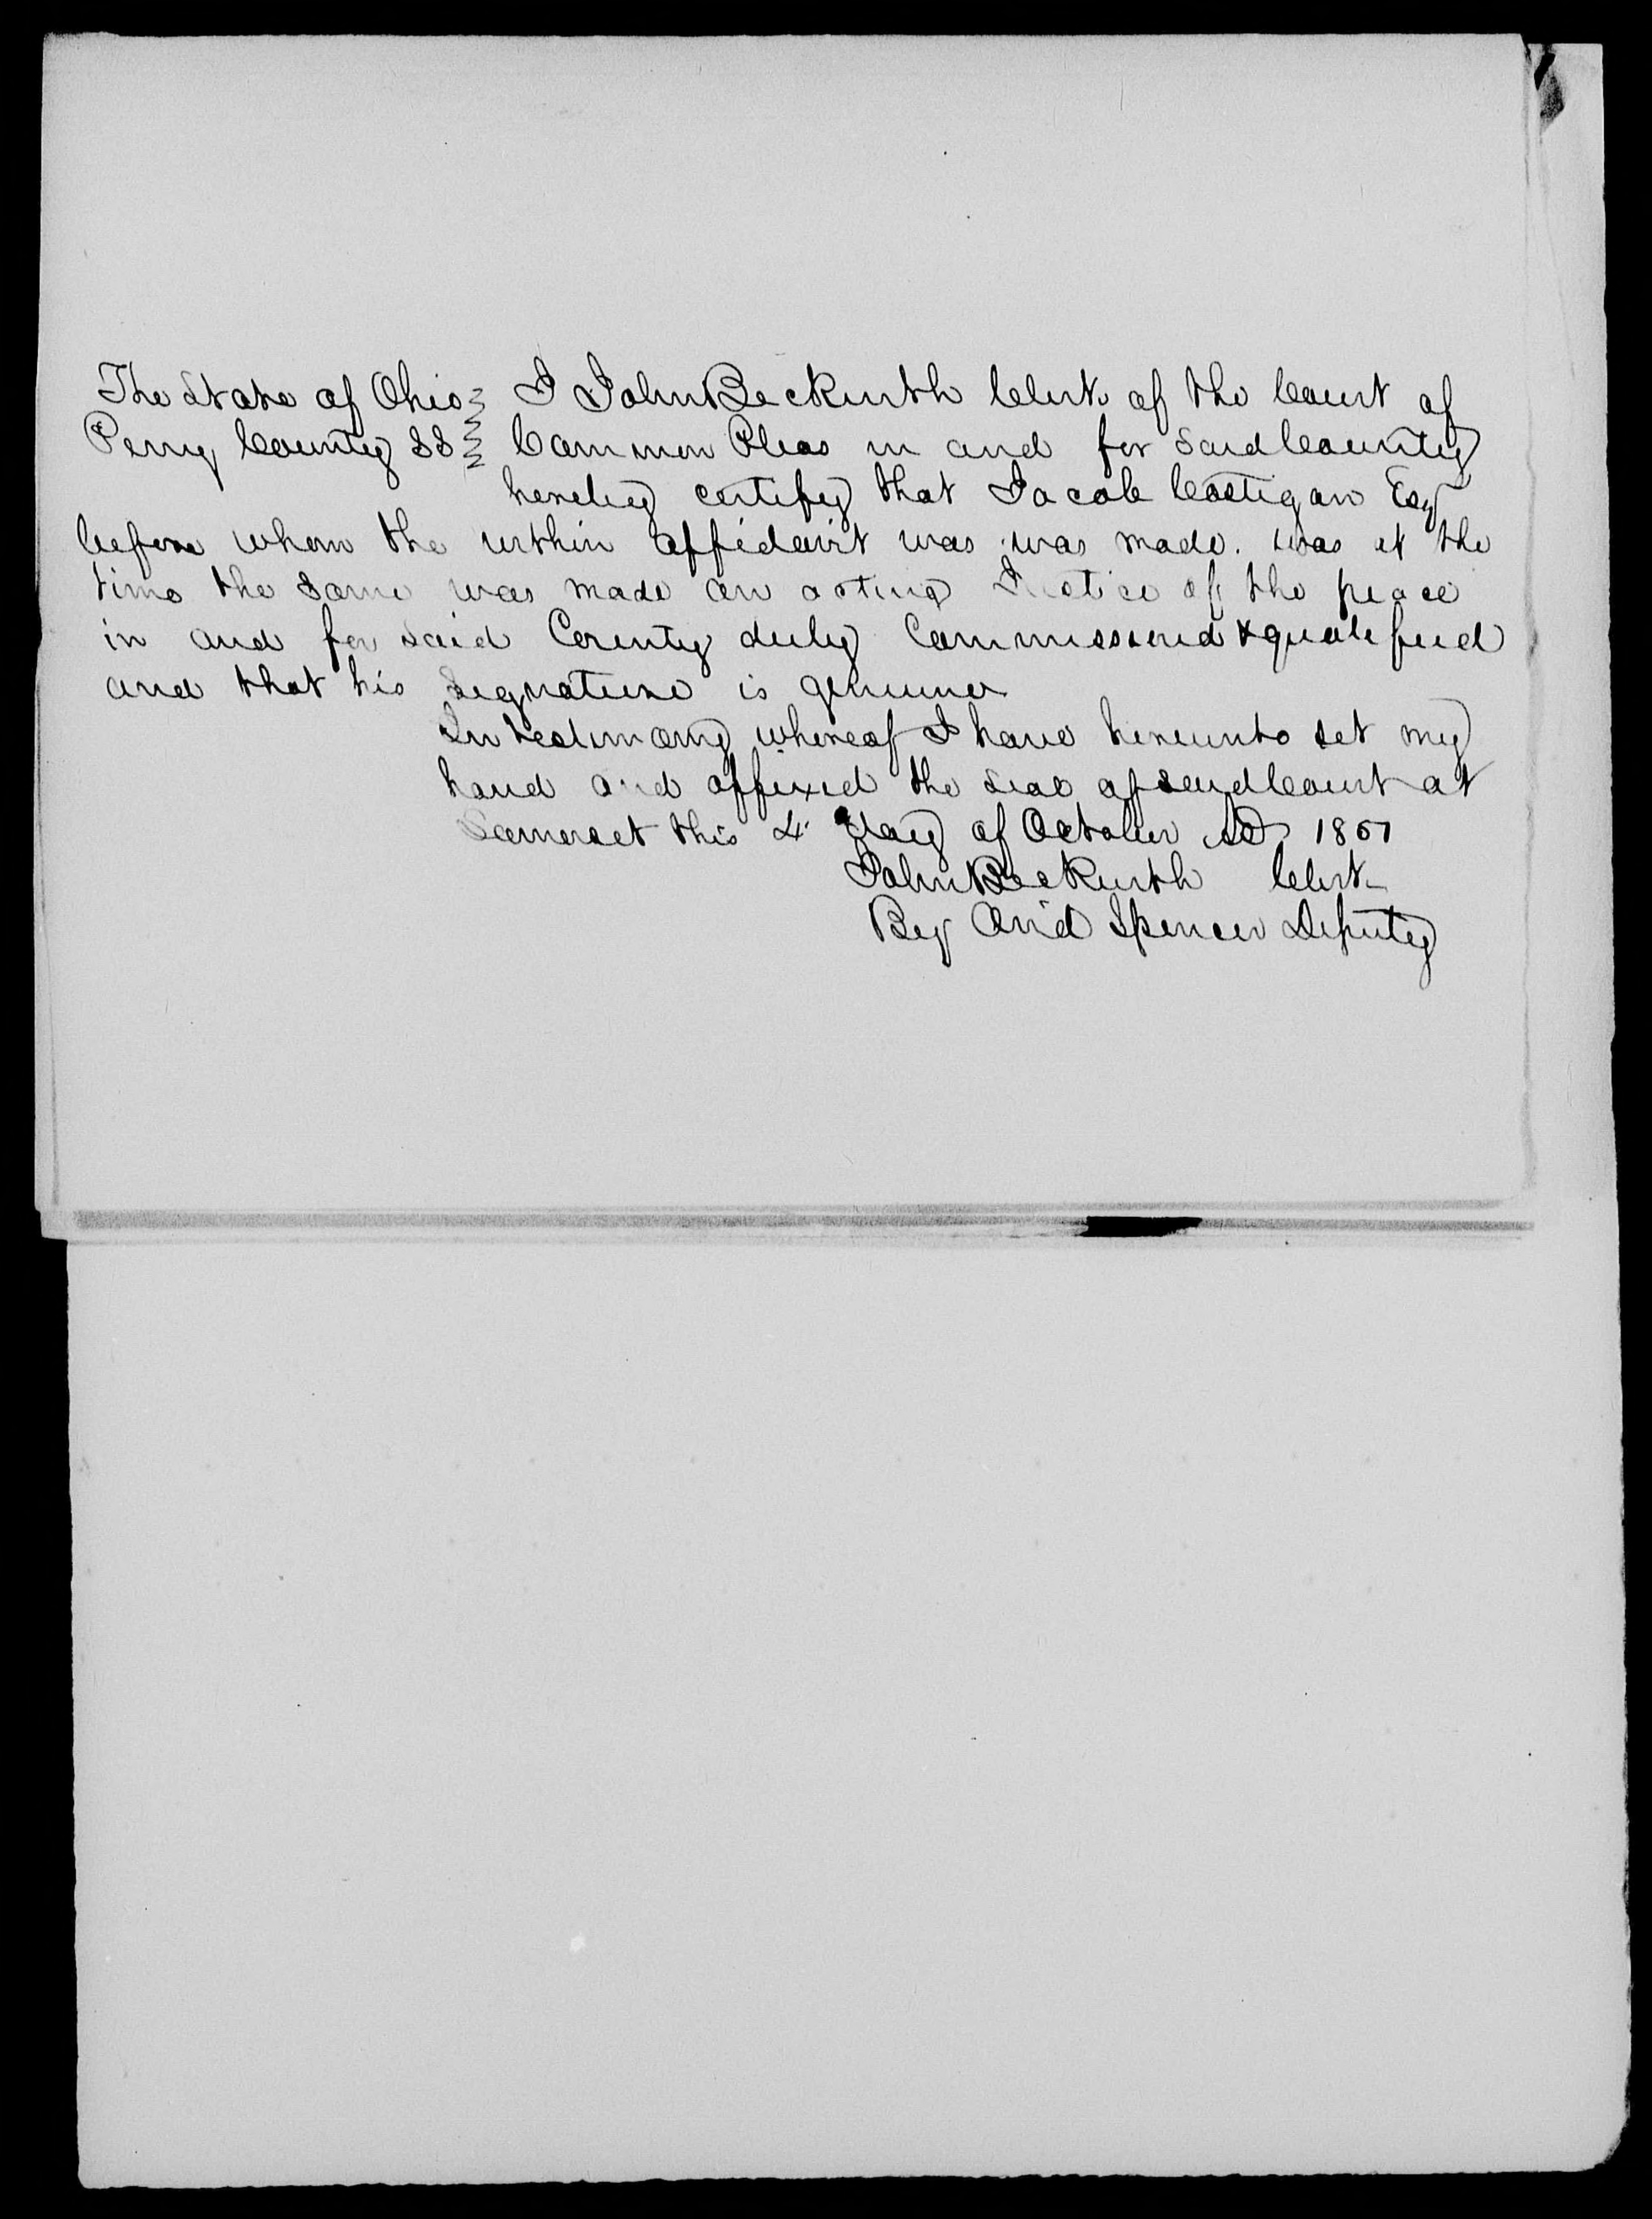The State of Ohio }
Perry County SS }

I John Beckwith Clerk of the Court of 
Common Pleas in and for said County 
hereby certify that Jacob Costigan Esq 
before whom the within affidavit was was made, was at the 
time the same was made an acting Justice of the peace 
in and for said County duly commissioned & qualified 
and that his signature is genuine 

In testimony whereof I have hereunto set my hand and affixed the seal of said Count at Somerset this 4 day of October AD 1851 
John Beckwith Clerk 
By [?] Spencer Deputy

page: 23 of 23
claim: survivor's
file: S. 2289, for William Jacobs, Maryland